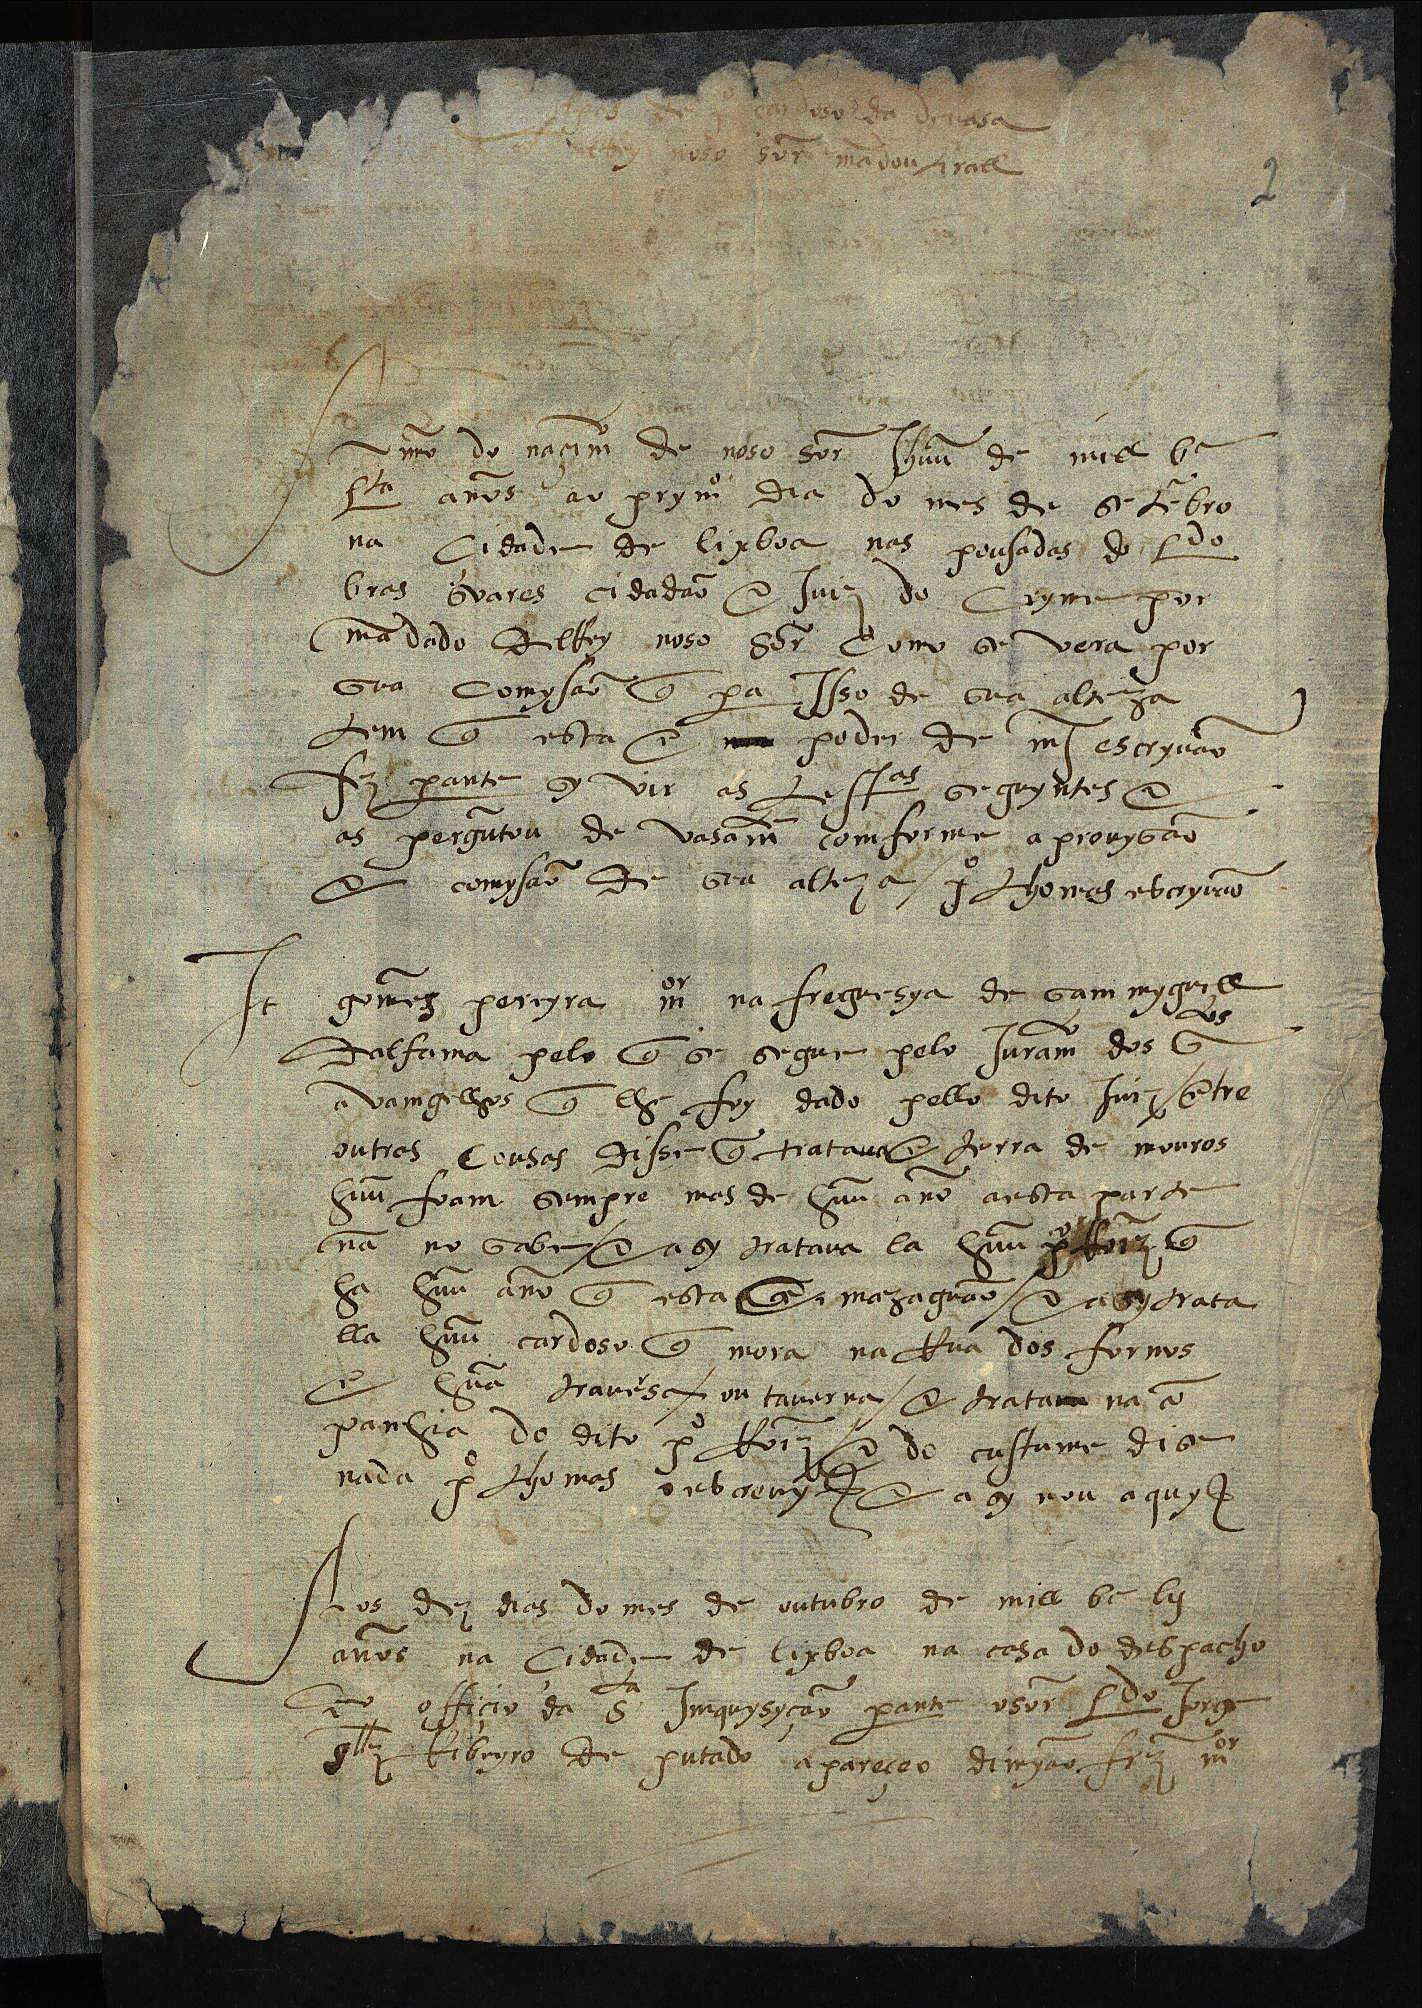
An̅no do naçimto de noso so̅r Jhu̅u de mill bc
Lta an̅os ao prymo dia do mes de sete̅bro
na Çidade de lixboa nas pousadas do Ldo
bras soares cidadão e Juiz do Cryme por
m̅adado Del Rey noso So̅r como se vera por
sua comysão q̅ ꝑa Jsso de sua alteza
tem q̅ esta e̅ _ poder de m̄J escryuão
fez ꝑante sy vir as testas seguyntes e
as pergu̅tou de vasamte comforme a prouysão
e comysão de sua alteza / po thomas escryuão
gom̅es pereyra mor na freguesya de sam myguell
dalfama pelo q̅ se segue pelo Juramto dos s̅tos
avamgelhos q̅ lhe foy dado pello dito Juiz / e̅tre
outras Cousas disse q̅ trataua e̅ terra de mouros
hu̅u foam sempre mas de hu̅u an̅o a esta parte
n̅a no sabe / e asy trataua la hu̅u po Ro̅iz q̅
ha hu̅u an̅o q̅ esta e̅ mazaguão / e asy trata
lla hu̅u cardoso q̅ mora na Rua dos fornos
e̅ hu̅a travesa / ou tauerna / e trataua na c̅o
panhia do dito po Ro̅iz / e do custume dise
nada po thomas o escreuy
e asynou aquy
Aos dez dias do mes de outubro de mill bc lij
an̅os na Çidade de lixboa na casa do despacho
Do offiçio da Sta Jmquysyção ꝑante o so̅r Ldo Jorge
ḡllz Ribeyro Deputado apareçeo dimyão frz̅ mor
